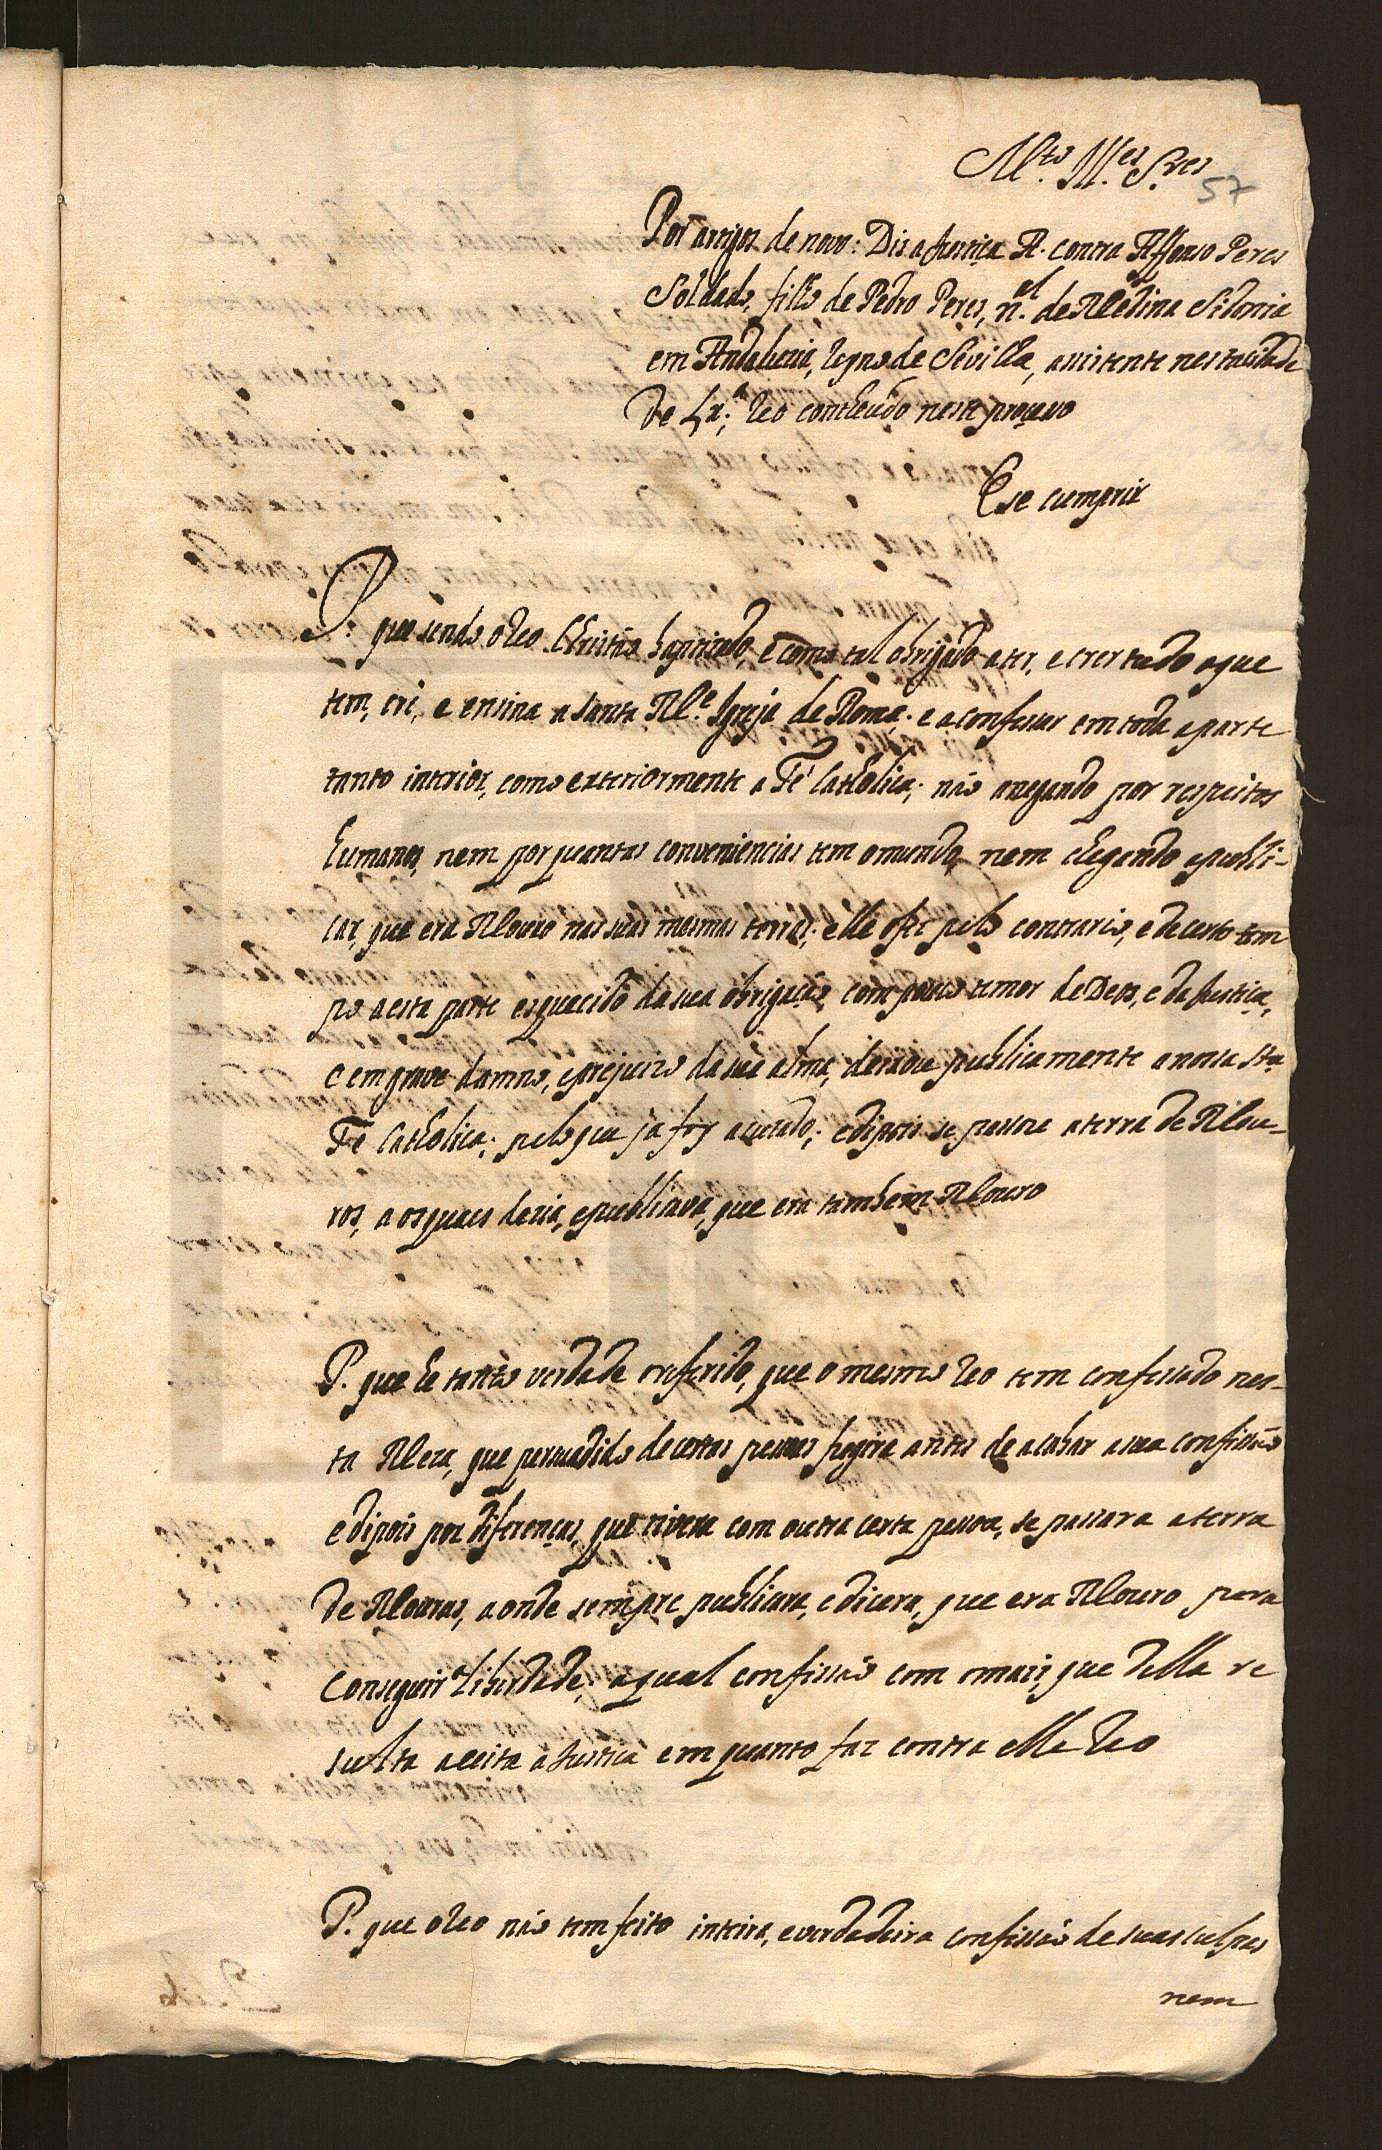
M.to Ill.es S.res
Por artigos de novo: Dis a Justiça R. contra Affonso Peres
Soldado, filho de Pedro Peres, n.al de Medina Sidonia
em Andaluzia, Reyno de Sevilha, assistente nesta cidade
de Lx;a Reo contheudo neste processo
E se cumprir
P. que sendo o Reo Christão baptizado, e como tal obrigado a ter, e crer tudo o que
tem, crè, e ensina a santa M.e Igreja de Roma; e a confessar em toda a parte
tanto interior, como exteriormente a Fé catholica; naõ a negando por respeitos
humanos, nem porquantas conveniencias tem o mundo nem chegando a publi
car, que era Mouro nas suas mesmas terras; elle o fez pelo contrario, e de certo tem
po a esta parte esquecido da sua obrigação com pouco temor de Deos, e da Iustiça,
e em grave damno, e prejuizo da sua alma, deixou publicamente a nossa st.a
Fe catholica; pelo que ja foy acuzado; e dipois se passou a terra de Mou
ros, aos quaes dezia, e publicava, que erá tambem Mouro
P. que he tanto verdade o referido, que o mesmo Reo tem confessado nes
ta Meza, que persuadido de certas pessoas fugira antes de acabar a sua confissaõ
e dipois por diferenças, que vivera com outra certa pessoa, se passara a terra
de Mouras, aonde sempre publicara, e dicera, que era Mouro para
conseguir a Liberdade; a qual confissaõ com mais, que della re
sulta aceita à Iustiça emquanto faz contra elle Reo
P. que o Reo naõ tem feito inteira, e verdadeira confissaõ de suas culpas
nem
